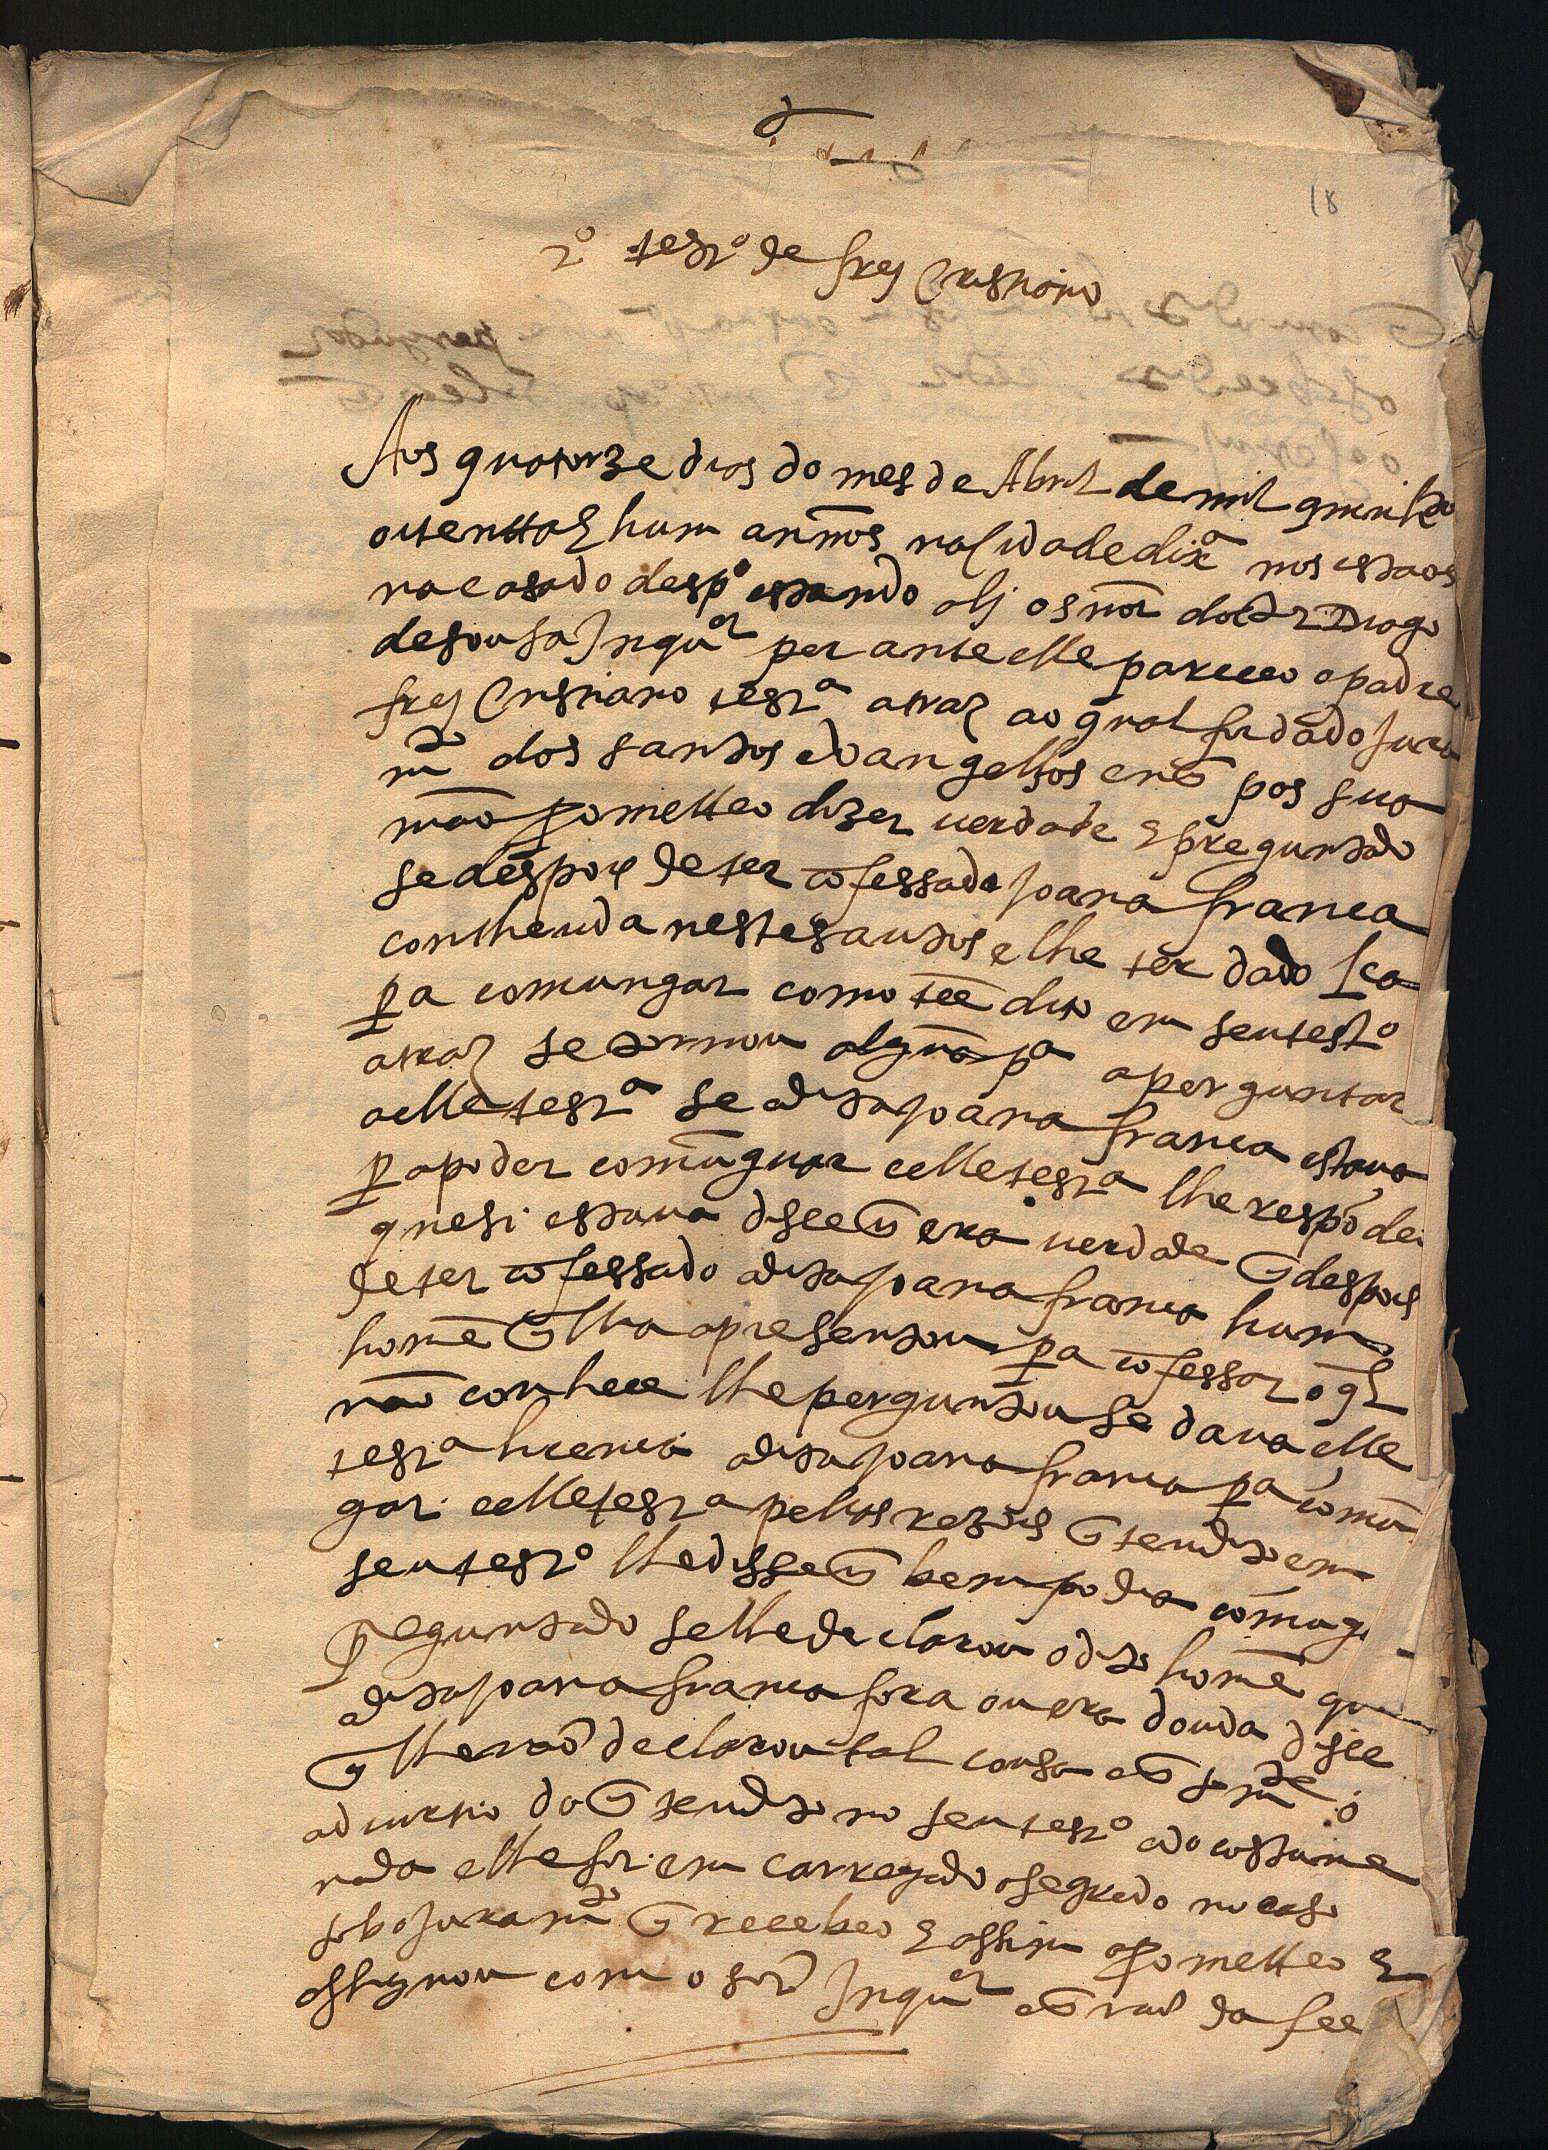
2o testo de frej Cristiano
Aos quatorze dias do mes de Abril de mil quinhto
oitentta E hum annos na Cidade dixa nos estaos
na casa do despo estando alj o snōr doctor Diogo
de sousa Jnquor perante elle pareceo o padre
frej Cristiano testa atraz ao qual foi dado Jura
mto dos santos evangelhos en q̄ pos sua
mão ꝓometteo dizer uerdade E preguntado
se despois de ter cōfessada Joana franca
contheuda nestes autos e lhe ter dado Lca
ꝑa comungar como tēe dito em seu testo
atraz se tornou algūa pa a perguntar
a elle testa se a dita Joana franca estaua
ꝑa poder comūguar e elle testa lhe respōde
que si estaua disse q̄ era uerdade q̄ despois
de ter cōfessado dita Joana franca hum
homē q̄ lha apresentou ꝑa cōfessar o q̄l
não conhece lhe perguntou se daua elle
testa licença a dita Joana franca ꝑa cōmū
gar e elle testa pellas rezois q̄ ten dito em
seu testo lhe disse q̄ bem pode cōmug
preguntado se lhe declarou o dito homē que
a dita joana franca fora ou era douda disse
q̄ lhe naõ declarou tal cousa e q̄ somte o
aduirtio do q̄ ten dito no seu testo e do costume
nada e lhe foi emcarregado o segredo no caso
sob o Juramto q̄ reçebeo e assim o ꝓometteo E
assignou com o sor̄ Jnquor e q̄ naõ da fee
